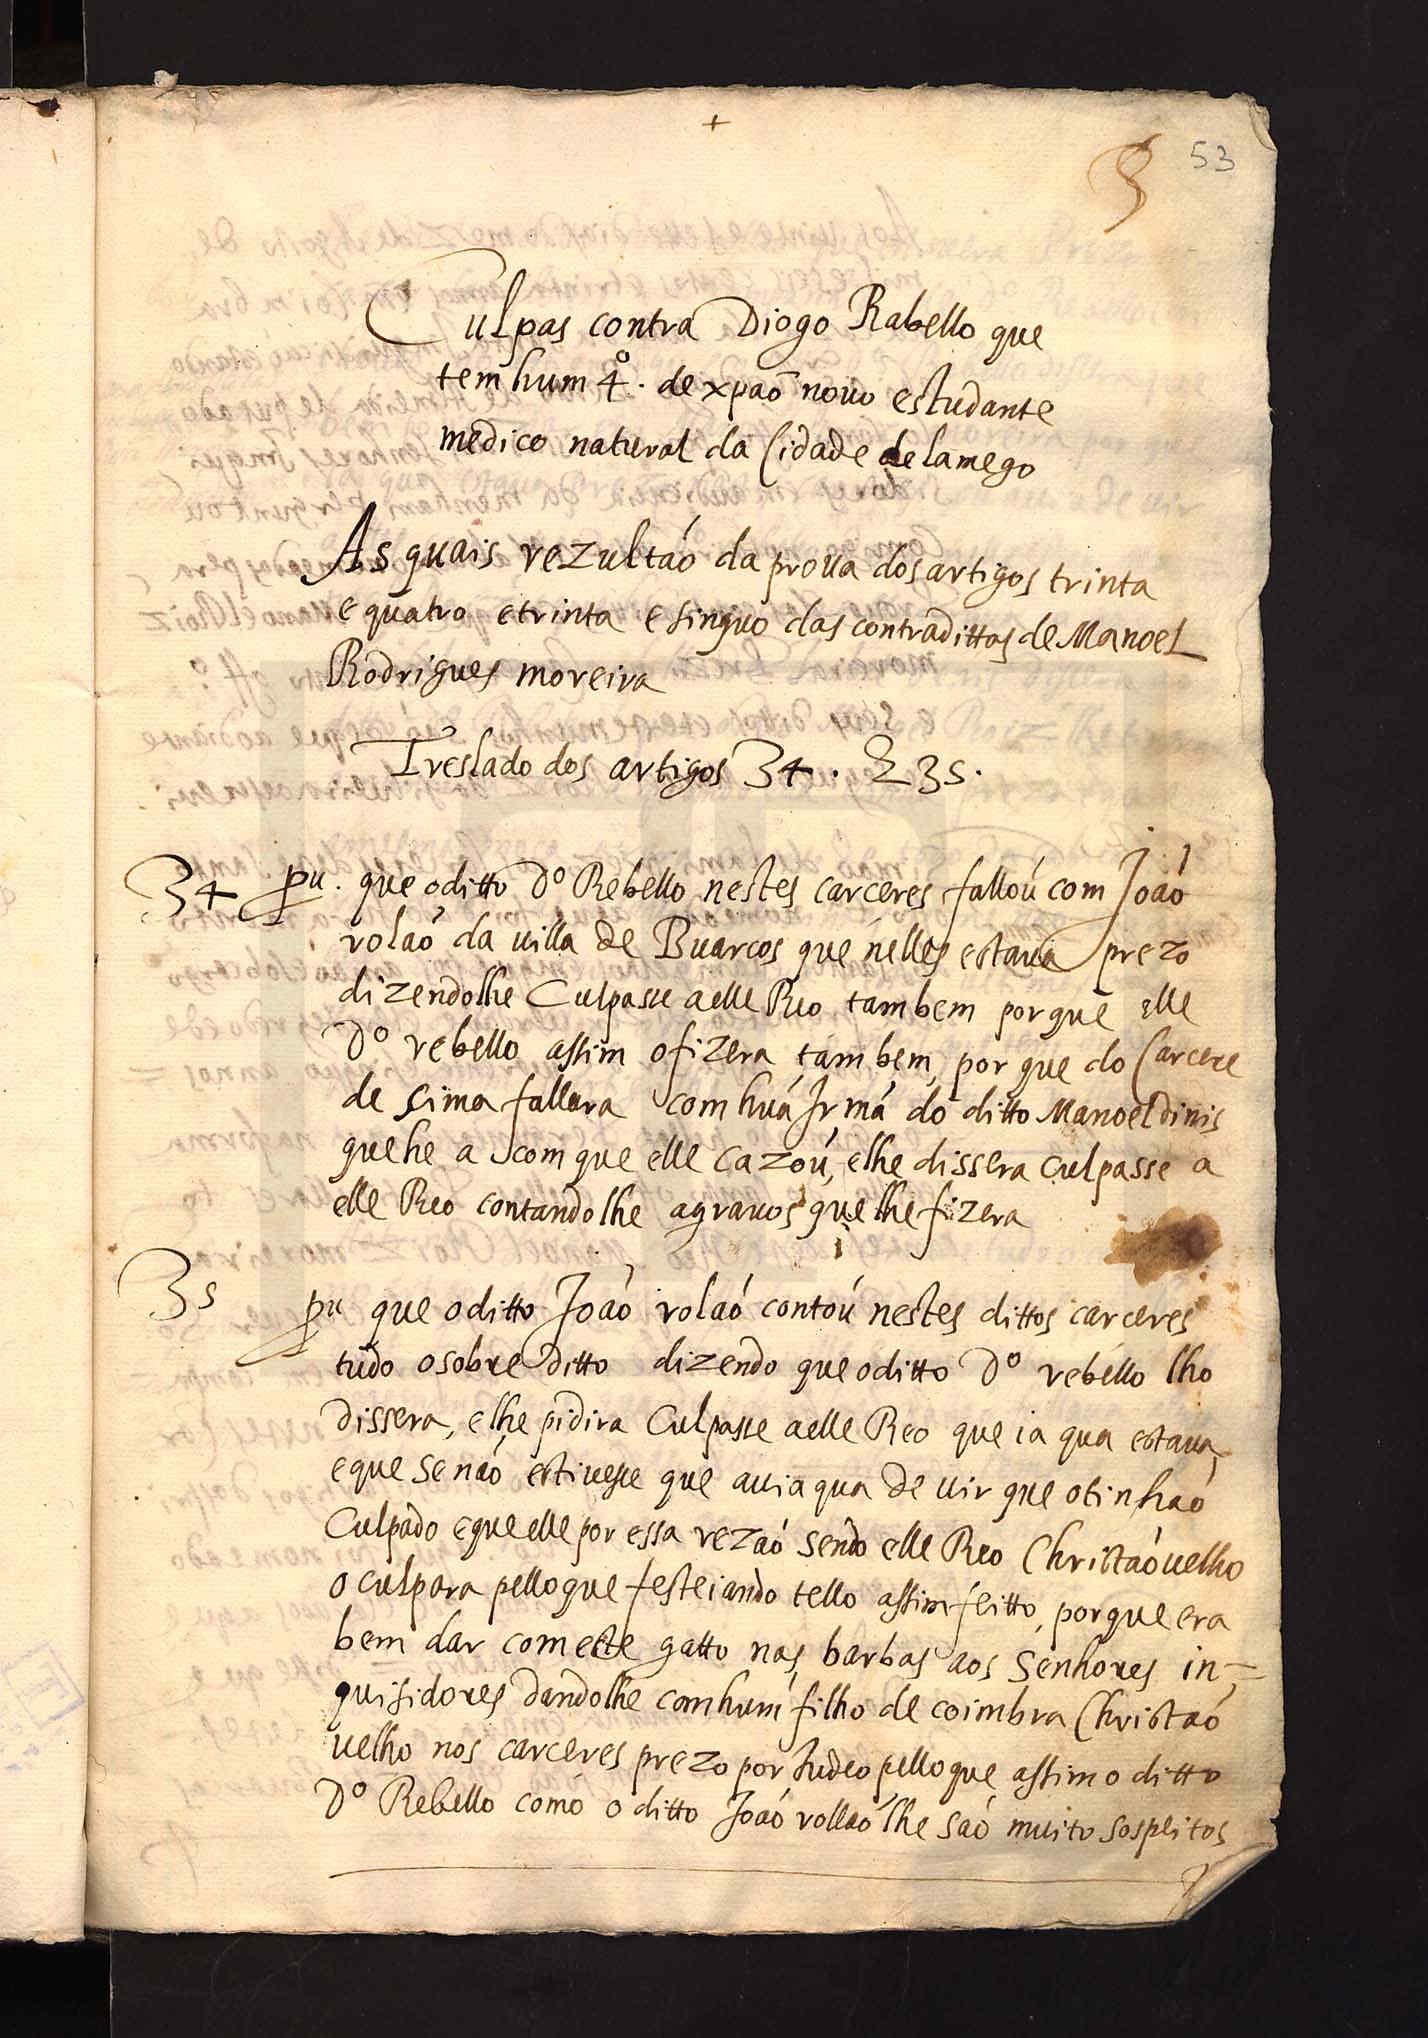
34
35
CuLpas contra Diogo Rabello que
tem hum 4º. de xpaõ nouo estudante
medico natural da Cidade de lamego
As quais rezultaõ da proua dos artigos trinta
e quatro e trinta e sinquo das contradittas de ManoeL
Rodrigues moreira
Treslado dos artigos 34. E 35.
ꝓu. que o ditto Do Rebello nestes carceres fallou com Joaõ
rolão da uilla de Buarcos que nelles estaua prezo
dizendolhe Culpasse a elle Reo tambem porque Elle
Do rebello assim o fizera tambem, porque do Carcere
de sima fallara com huā Jrmā do ditto Manoel dinis
que he a com que elle cazou, e lhe dissera culpasse a
elle Reo contandolhe agrauos que lhe fizera
ꝓu que o ditto Joaõ rolaõ contou nestes dittos carceres
tudo o sobreditto dizendo que o ditto Do rebello lho
dissera, e lhe pidira Culpasse a elle Reo que ia que estaua
e que se naõ estiuesse que auia qua de uir que o tinhaõ
Culpado e que elle por essa rezaõ sendo elle Reo Christaõ uelho
o culpara pello que festeiando tello assim feitto, porque era
bem dar com este gatto nas barbas aos Senhores in
quisidores dandolhe com hum filho de coimbra Christaõ
uelho nos carceres prezo por Iudeo pello que assim o ditto
Do Rebello como o ditto Joaõ rollaõ lhe saõ muito sospeitos
